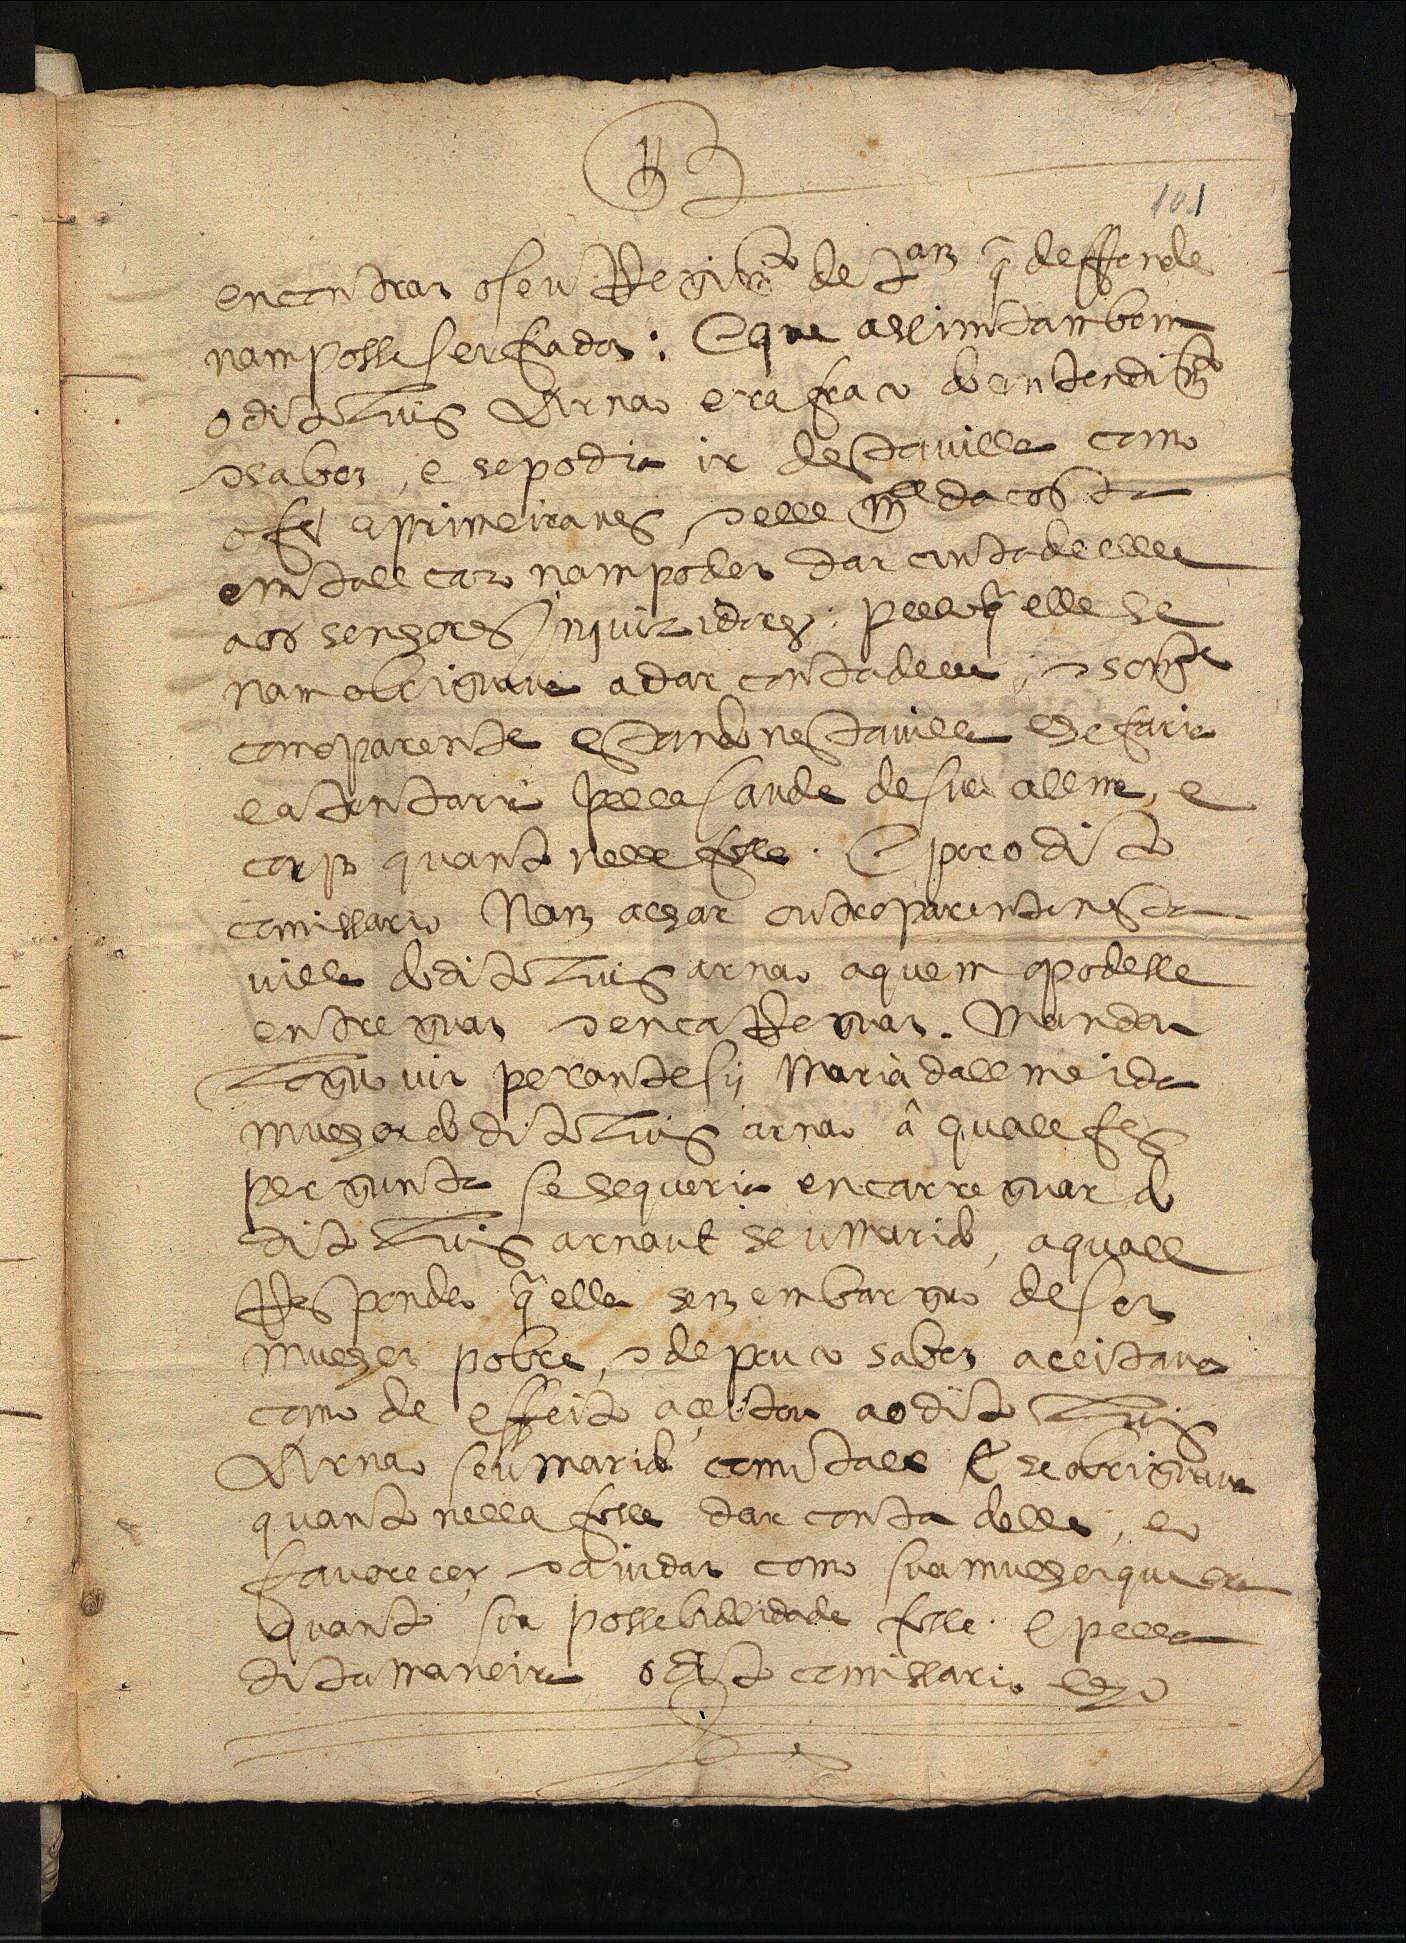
encontrar o seu Regimto de tam q̄ deffende
nam possa ser fiador: e que assim tambem
o dito Luis Arnao era fraco do entendimto
e saber, e se podia ir desta uilla como
o fes a primeira ues e elle mel da costa
em tall cazo nam poder dar conta de ellee
aos senhores Jnquizidores pello q̄ elle se
nam obriguaua a dar conta delle, e somte
como parente estando nesta uilla lhe faria
e atentaria pella saude de sua allma, e
corpo quanto nelle fosse. E por o dito
comissario nem achar outro parente nesta
uilla do dito Luis arnao a quem o podesse
entreguar e encaReguar. mandou
Loguo uir perante sy maria dallmeida
mulher do dito Luis arnao â quall fes
pergunta se se queria encarreguar do
dito Luis arnaut seu marido, a quall
Respondeo q̄ ella sem embarguo de ser
mulher pobre, e de pouco saber aceitaua
como de effeito aceitou ao dito Luis
Arnao seu marido como tall E se abriguaua
quanto nella fosse dar conta delle, e o
fauorecer e aiudar como sua mulher que era
quanto sua possebillidade fosse. e pella
dita maneira o dito comissario lho
